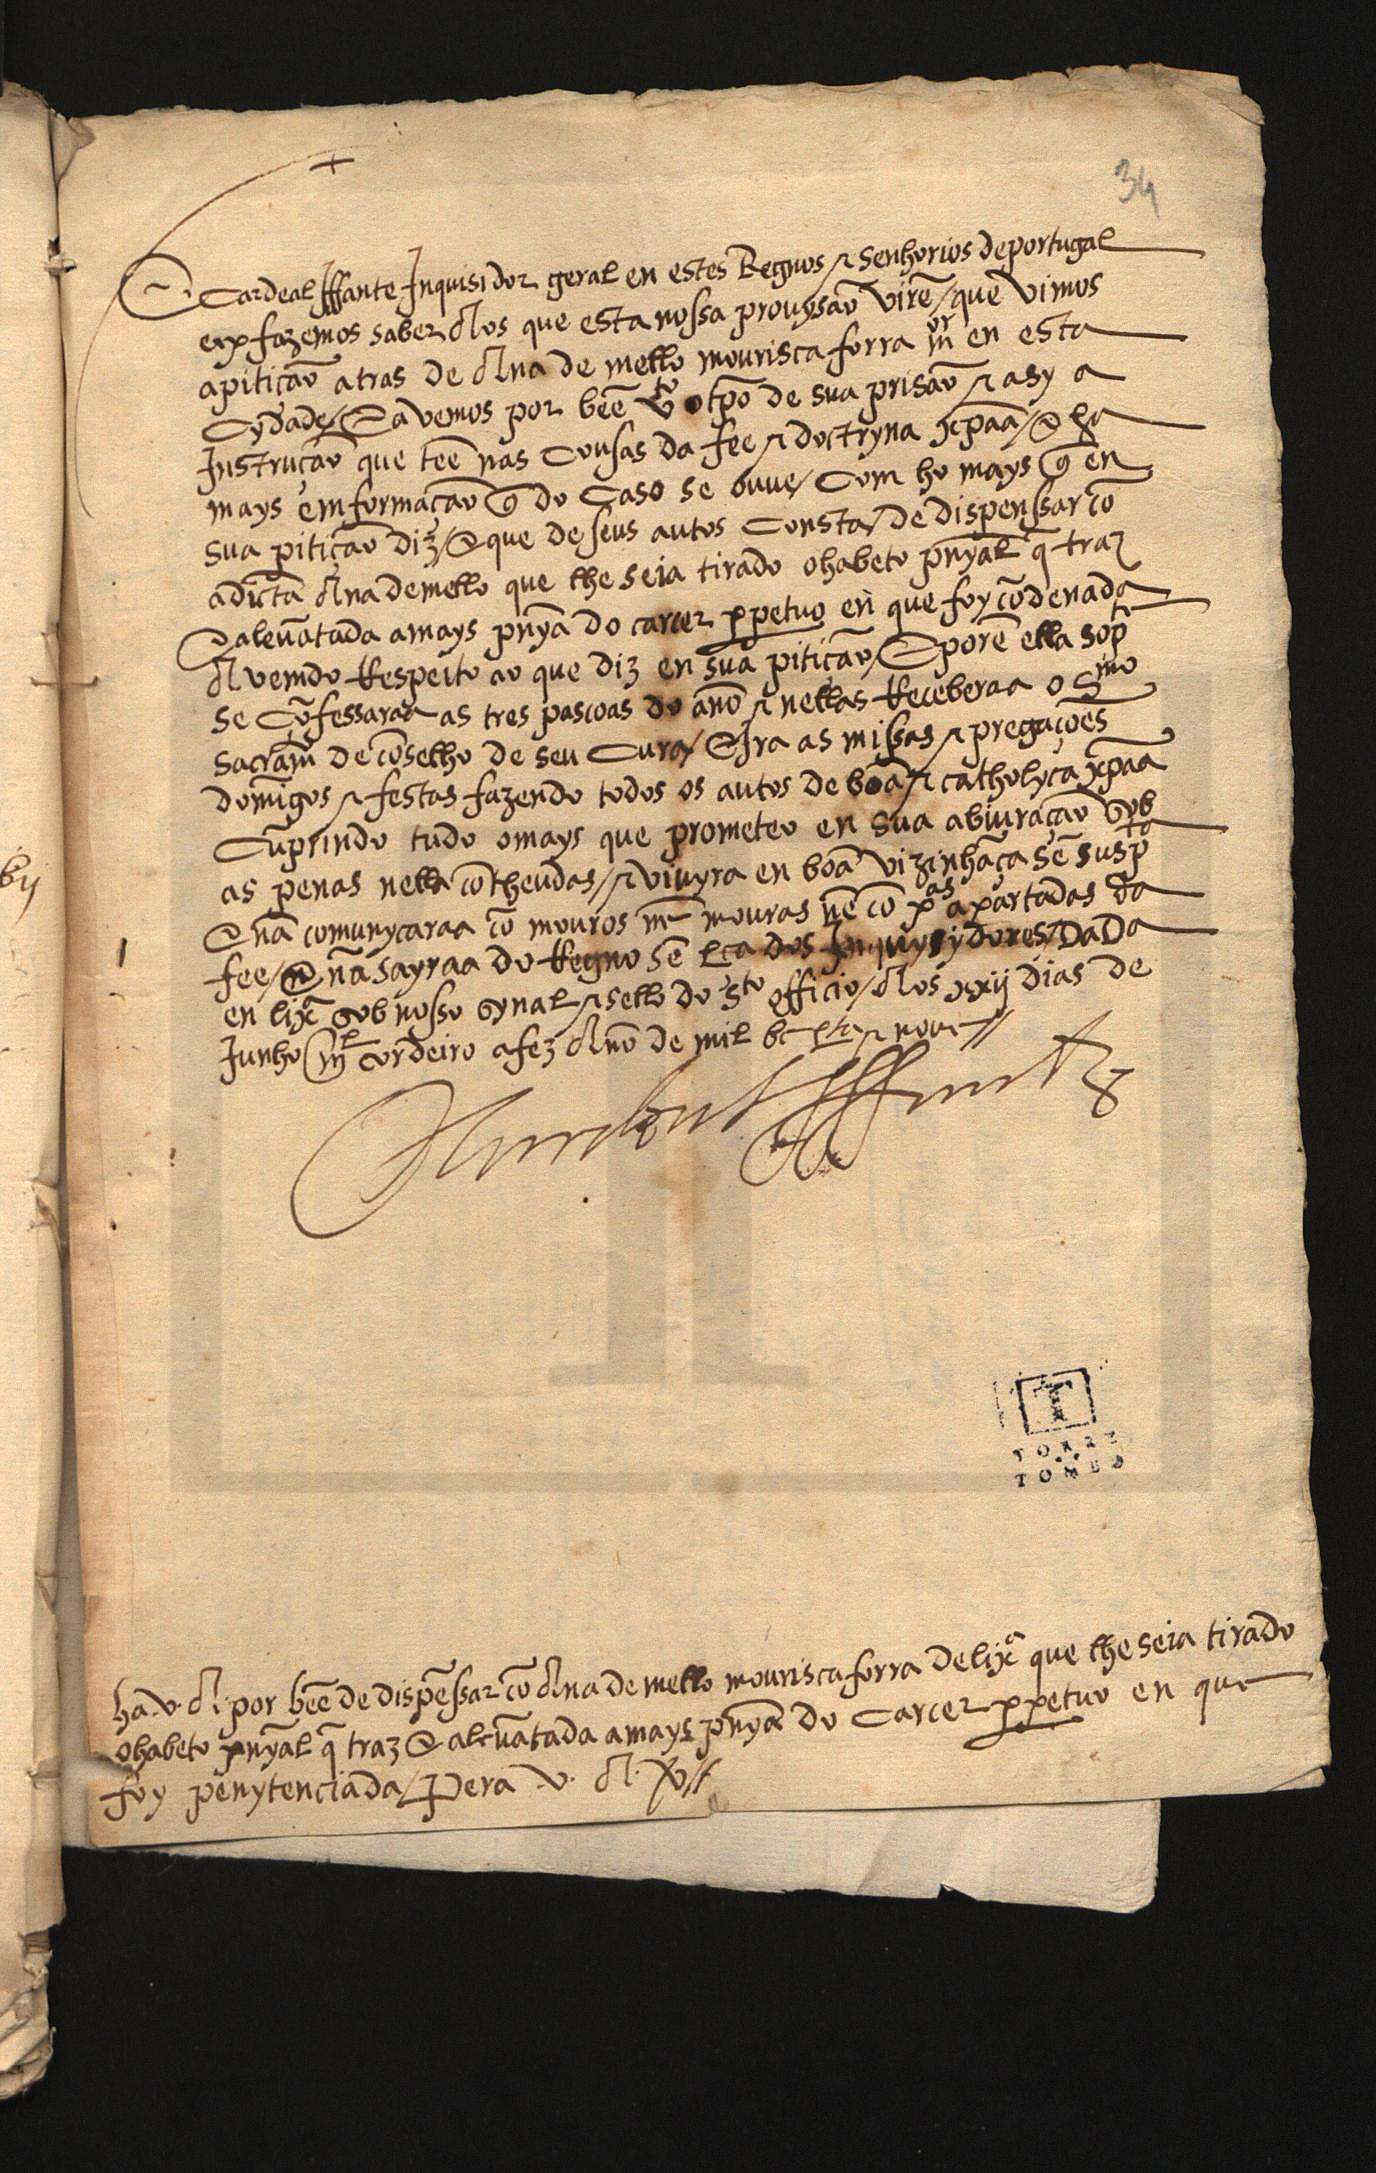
O Cardeal Jffante Jnquisidor geral en estes Regnos e senhorios de portugal
ecꝭ fazemos saber Aos que esta nossa prouysão virē / que vimos
a pitição atras de Ana de mello mourisca forra mor en esta
Cydade / e avemos por bēe vto o tp̄o de sua prisão e asy a
Jnstrução que tēe nas Cousas da fee e doctryna xp̄aa / e ha
mays emformação q̄ do Caso se ouue / Com ho mays q̄ en
sua pitição diz / e que de seus autos Consta / de dispenssar c̄o
a dicta Ana de mello que lhe seia tirado o habeto pn̄yal q̄ traz
e aleuātada a mays pnȳa do carcer ꝑpetuo en que foy c̄odenada
Avemdo Respeito ao que diz en sua pitição / E porē ella sopte
se Cōfessara as tres pascoas do āno e nellas Receberaa o Smo
sacramto de c̄oselho de seu Cura / E Jra as missas e pregações
domigos e festas fazendo todos os autos de bōa e catholyca xp̄aa
Cūprindo tudo o mays que prometeo en sua abiuração sob
as penas nella c̄otheudas / e viuyra en bōa vizinhāça sē suspta
e n̄a comunycaraa c̄o mouros n̄e mouras n̄e c̄o pas apartadas da
fee / e nā sayraa do Regno sē Lça dos Jnquysydores / DaDa
en lixa sob nosso synal e sello do Sto officio / Aos xxij dias de
Junho mel cordeiro a fez An̄o de miL bc Lta e noue //
O Cardeal Jffantꝭ
ha v. A. por bēe de dispēssar c̄o Ana de mello mourisca forra de lixa que lhe seia tirado
o habeto pnȳal q̄ traz e aleuātada a mays pn̄ya do Carcer ꝑpetuo en que
foy penytenciada / Pera v. A. ꝟ //
